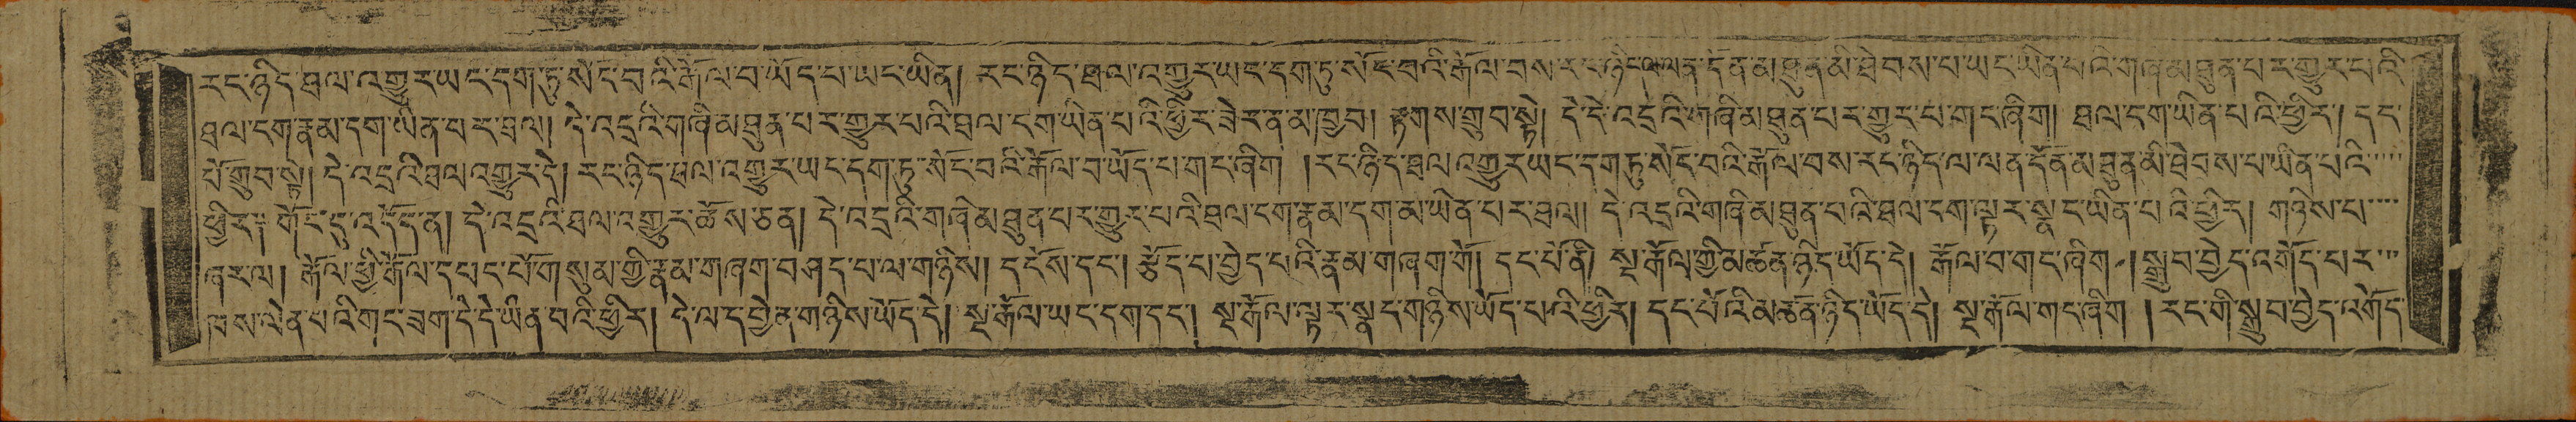རང་ཉིད་ཐལ་འགྱུར་ཡང་དག་ཏུ་སོང་བའི་རྒོལ་བ་ཡོད་པ་ཡང་ཡིན། རང་ཉིད་ཐལ་འགྱུར་ཡང་དག་ཏུ་སོང་བའི་རྒོལ་བས་རང་ཉིད་ལ་ལན་དོན་མཐུན་མི་ཐེབས་པ་ཡང་ཡིན་པའི་གཞི་མཐུན་པར་གྱུར་པའི་
ཐལ་ངག་རྣམ་དག་ཡིན་པར་ཐལ། དེ་འདྲའི་གཞི་མཐུན་པར་གྱུར་པའི་ཐལ་ངག་ཡིན་པའི་ཕྱིར་ཟེར་ན་མ་ཁྱབ། རྟགས་གྲུབ་སྟེ། དེ་དེ་འདྲའི་གཞི་མཐུན་པར་གྱུར་པ་གང་ཞིག །ཐལ་ངག་ཡིན་པའི་ཕྱིར། དང་
པོ་གྲུབ་སྟེ། དེ་འདྲའི་ཐལ་འགྱུར་དེ། རང་ཉིད་ཐལ་འགྱུར་ཡང་དག་ཏུ་སོང་བའི་རྒོལ་བ་ཡོད་པ་གང་ཞིག །རང་ཉིད་ཐལ་འགྱུར་ཡང་དག་ཏུ་སོང་བའི་རྒོལ་བས་རང་ཉིད་ལ་ལན་དོན་མཐུན་མི་ཐེབས་པ་ཡིན་པའི་
ཕྱིར༑ གོང་དུ་འདོད་ན། དེ་འདྲའི་ཐལ་འགྱུར་ཆོས་ཅན། དེ་འདྲའི་གཞི་མཐུན་པར་གྱུར་པའི་ཐལ་ངག་རྣམ་དག་མ་ཡིན་པར་ཐལ། དེ་འདྲའི་གཞི་མཐུན་པའི་ཐལ་ངག་ལྟར་སྣང་ཡིན་པའི་ཕྱིར། གཉིས་པ་
ཞར་ལ། རྒོལ་ཕྱི་རྒོལ་དབང་པོ་གསུམ་གྱི་རྣམ་གཞག་བཤད་པ་ལ་གཉིས། དངོས་དང་། རྩོད་པ་བྱེད་པའི་རྣམ་གཞག་གོ། དང་པོ་ནི། སྔ་རྒོལ་གྱི་མཚན་ཉིད་ཡོད་དེ། རྒོལ་བ་གང་ཞིག །སྒྲུབ་བྱེད་འགོད་པར་
ཁས་ལེན་པའི་གང་ཟག་དེ་དེ་ཡིན་པའི་ཕྱིར། དེ་ལ་དབྱེ་ན་གཉིས་ཡོད་དེ། སྔ་རྒོལ་ཡང་དག་དང་། སྔ་རྒོལ་ལྟར་སྣང་གཉིས་ཡོད་པའི་ཕྱིར། དང་པོའི་མཚན་ཉིད་ཡོད་དེ། སྔ་རྒོལ་གང་ཞིག །རང་གི་སྒྲུབ་བྱེད་འགོད་